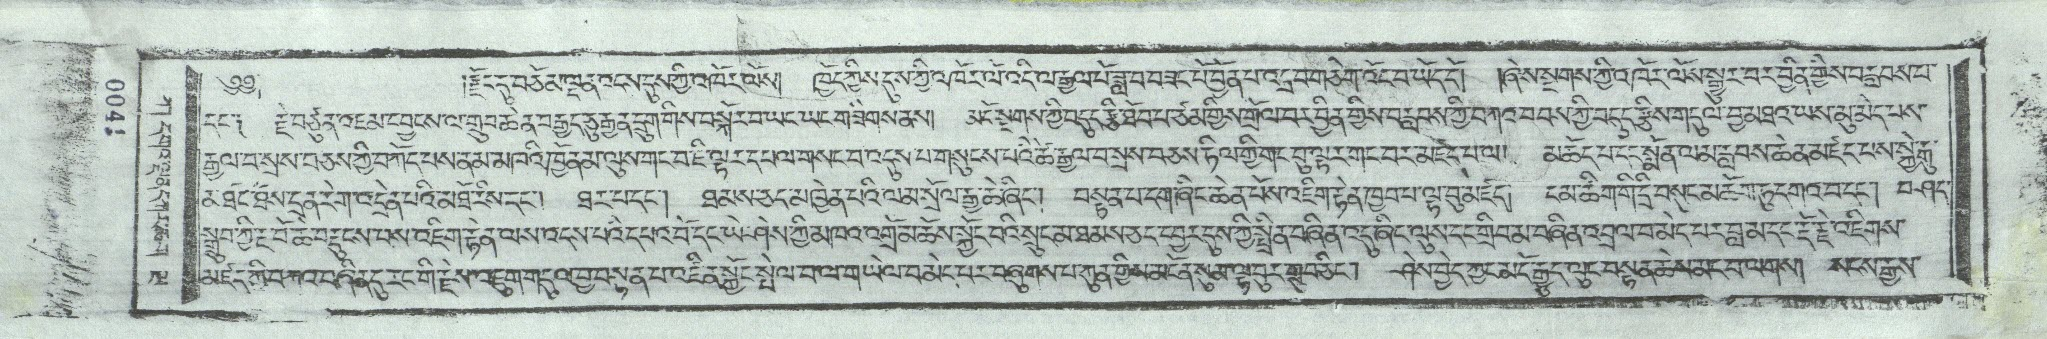༄༅། །རྗོང་དུ་བཅོམ་ལྡན་འདས་དུས་ཀྱི་འཁོར་ལོས། ཁྱོད་ཀྱིས་དུས་ཀྱི་འཁོར་ལོ་འདི་ལ་རྒྱལ་པོ་ཟླ་བཟང་པོ་བྱོན་པ་འདྲ་བ་གཅིག་འོང་བ་ཡོད་དོ། །ཞེས་སྔགས་ཀྱི་འཁོར་ལོས་སྒྱུར་བར་བྱིན་གྱིས་བརླབས་པ་
དང་། རྗེ་བཙུན་འཇམ་དབྱངས་ལ་གྲུབ་ཆེན་བརྒྱད་ཅུ་རྒྱན་དྲུག་གིས་བསྐོར་བ་ཡང་ཡང་གཟིགས་ནས། མདོ་སྔགས་ཀྱི་བདུད་རྩི་ཐོབ་པ་ཙམ་གྱིས་གྲོལ་བར་བྱིན་གྱིས་བརླབས་ཀྱི་བཀའ་བབས་ཀྱི་བདུད་རྩིས་གདུལ་བྱ་མཐའ་ཡས་མུ་མེད་པས་
རྒྱལ་བསྲས་བཅས་ཀྱི་བཀོད་པས་ནམ་མཁའི་ཁྱོན་མ་ལུས་གང་བ་ཇི་ལྟར་དཔལ་གསང་བ་འདུས་པ་གསུངས་པའི་ཚེ་རྒྱལ་བ་སྲས་བཅས་ཏིལ་གྱི་གང་བུ་ལྟར་གང་བར་མཛད་པ་ལ། མཆོད་པ་དང་སྨོན་ལམ་རླབས་ཆེན་མཛད་པས་སྐྱེ་རྒུ་
མཐོང་ཐོས་དྲན་རེག་འདྲེན་པའི་མཐོ་རིས་དང་། ཐར་པ་དང་། ཐམས་ཅད་མཁྱེན་པའི་ལམ་སྲོལ་རྒྱ་ཆེ་ཞིང་། བསྟན་པ་དག་ཞིང་ཆེན་པོས་འཇིག་རྟེན་ཁྱབ་པ་ལྟ་བུ་མཛད། དམ་ཚིག་གི་དྲི་བསུང་མཆོག་ཏུ་དགའ་བ་དང་། བཤད་
སྒྲུབ་ཀྱི་རྔ་བོ་ཆེ་བརྡུངས་བས་འཇིག་རྟེན་ལས་འདས་པའི་དཔའ་བོ་དང་ཡེ་ཤེས་ཀྱི་མཁའ་འགྲོ་མཆོས་སྐྱོང་བའི་སྲུང་མ་ཐམས་ཅད་དབྱར་དུས་ཀྱི་སྤྲིན་བཞིན་འདུ་ཞིང་ལུས་དང་གྲིབ་མ་བཞིན་འབྲལ་བ་མེད་པར་བླ་མ་དང་རྡོ་རྗེ་འཇིགས་
མཛད་ཀྱི་བཀའ་བཞིན་དུ་རང་གི་རྗེས་འཇུག་གདུལ་བྱ་བསྟན་པ་འཛིན་སྐྱོང་སྤེལ་བ་ལ་གཡེལ་བ་མེད་པར་བཞུགས་པ་ཀུན་གྱིས་མངོན་སུམ་ལྟ་བུར་གྲུབ་ཅིང་། ཤེས་བྱེད་ཀྱང་མདོ་རྒྱུད་ལུང་བསྟན་ཆེས་མང་བ་ལགས། སངས་རྒྱས་